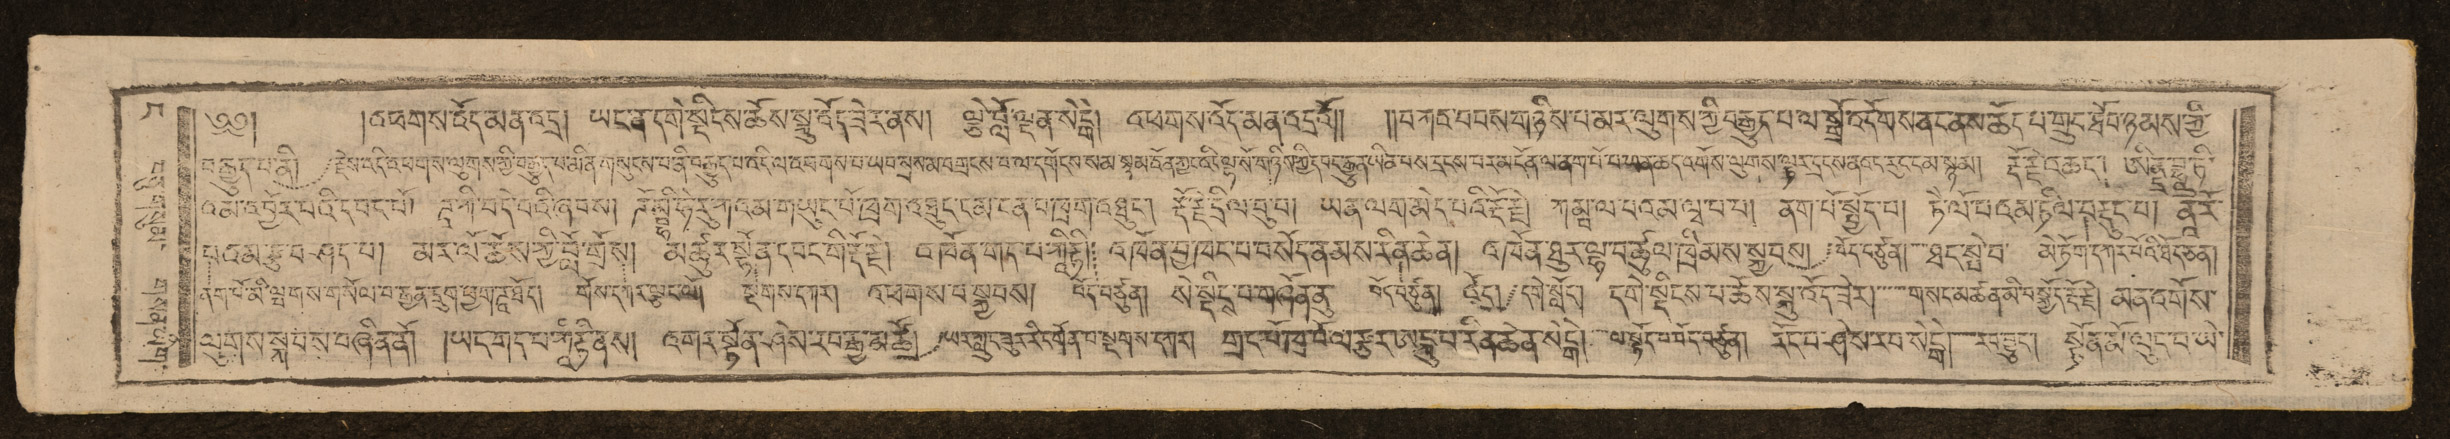༄༅། །འཕགས་འོད་མན་འདྲ། ཡང་ན་དགེ་སྡིངས་ཆོས་སྐུ་འོད་ཟེར་ནས། ལྕེ་བློ་ལྡན་སེངྒེ། འཕགས་འོད་མན་འདྲའོ།། །།བཀའ་བབས་གཉིས་པ་མའ་ལུགས་ཀྱི་བརྒྱུད་པ་ལ་སྒྲོ་འདོགས་ནང་ནས་ཆོད་པ་གྲུང་ཐོབ་ཉམས་ཀྱི་
བརྒྱུད་པ་ནི། རྗེས་འདི་འཕགས་ལུགས་ཀྱི་བརྒྱུད་པ་མིན་གསུངས་པ་ནི་བརྒྱུད་པ་འདི་ལ་འཕགས་པ་ཡབ་སྲས་མ་འགྲངས་པ་ལ་དགོངས་སམ་སྙམ་འོ་ན་ཀྱང་འདི་ལྟ་སོ་གཉིས་ཀྱི་དབང་རྒྱུན་ཡིན་པས་དྲངས་པར་མངོན་ལ་ནག་པོ་བ་ཡན་ཆད་འགོས་ལུགས་ལྟར་དྲངས་ནའང་རུང་ངམ་སྙམ། རྡོ་རྗེ་འཆང་། ཨཻནྡྲ་བྷཱུ་ཏི་
འམ་འབྱོར་བའི་དབང་པོ། ཊཱ་ཀི་བདེ་བའི་ཞབས། ཊོ་མྦྷི་ཧེ་རུ་ཀའམ་གཡུང་པོ་ཁྲག་འཐུང་ངམ་ངན་པ་ཁྲག་འཐུང་། རྡོ་རྗེ་དྲིལ་བུ་བ། ཡན་ལག་མེད་པའི་རྡོ་རྗེ། ཀམྦ་ལ་པའམ་ལྭ་བ་པ། ནག་པོ་སྤྱོད་པ། ཏཻ་ལོ་པའམ་ཏི་ལ་བརྡུང་པ། ནཱ་རོ་
པའམ་རྩ་བཤད་པ། མར་ལོ་ཆོས་ཀྱི་བློ་གྲོས། མཚུར་སྟོན་དབང་གི་རྡོ་རྗེ། འཁོན་གད་པ་ཀཱིརྟི། འཁོན་བྱ་ཁང་པ་བསོད་ནམས་རིན་ཆེན། འཁོན་ཐུར་ལྷ་པ་ཚུལ་ཁྲིམས་སྐྱབས། བོད་བཙུན། ཐང་སྤེ་བ་མེ་ཏོག་དཀར་པོའི་ཐོད་ཅན།
ནག་པོ་མི་ལྤགས་གསོལ་བརྒྱན་དྲུག་ཕྱག་ཌཱ་ཐོད། གོས་དཀར་ལྕང་ལོ། སྔགས་དཀར། འཕགས་བསྐྱབས། བོད་བཙུན། སེ་སྡིངས་པ་གཞོན་ནུ་བོད་བཙུན། འོད། དགེ་སློང་། དགེ་སྡིངས་པ་ཆོས་སྐུ་འོད་ཟེར། གསང་མཚན་མི་བསྐྱོད་རྡོ་རྗེ། མན་འགོས་
ལུགས་སྐབས་བཞིན་ནོ། །ཡང་གད་པ་ཀཱིརྟི་ནས། འགར་སྟོན་ཤེས་རབ་རྒྱ་མཚོ། ཡང་ཀླུང་ཟུར་རི་དགོན་པ་སྔགས་དཀར། གྲང་པོ་ཁྲ་བོ་ལ་རྩར་ཨངྐུ་པ་རིན་ཆེན་སེངྒེ། ལ་སྟོད་འཁོར་བཙུན། རོང་བ་ཤེས་རབ་སེངྒེ། རབ་བྱུང་། སྟོན་མོ་ལུང་བ་ཡེ་